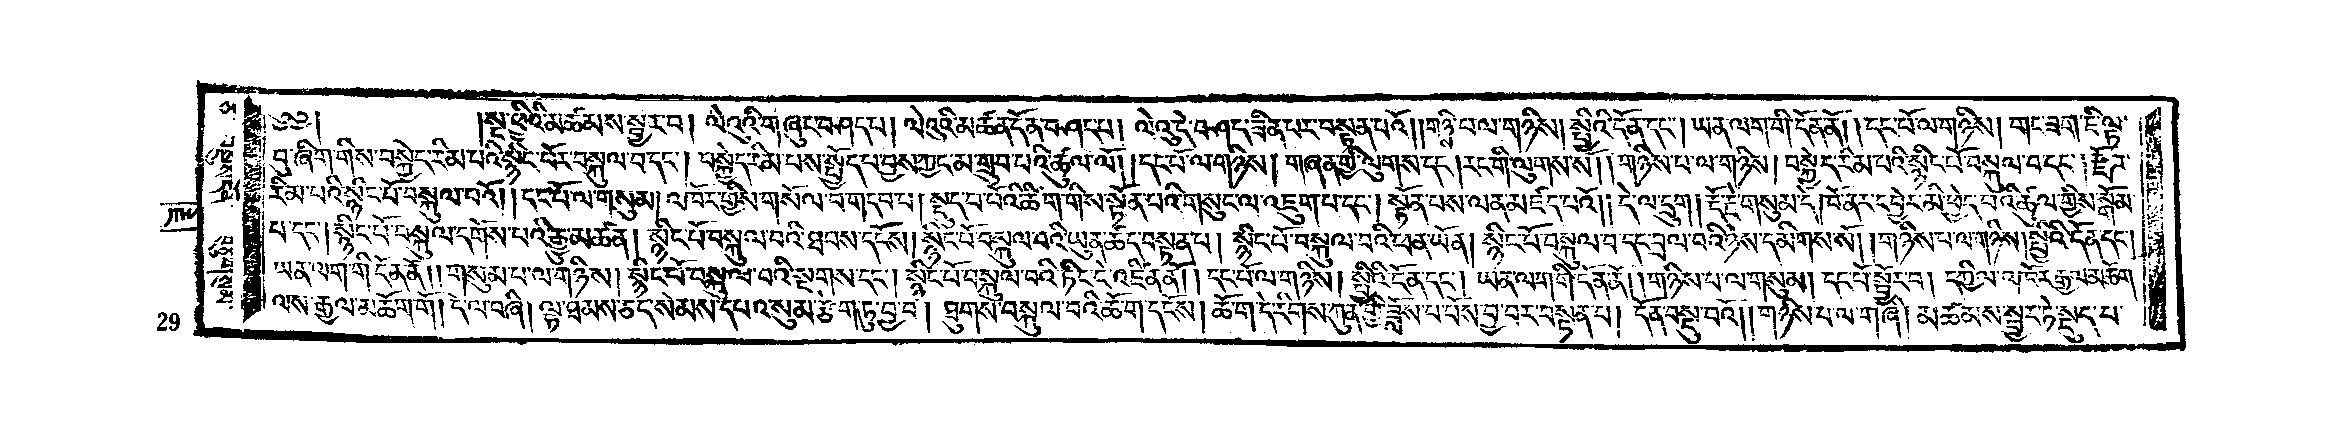༄༅། །སྔ་ཕྱིའི་མཚམས་སྦྱར་བ། ལེའུའི་གཞུང་བཤད་པ། ལེའུའི་མཚན་དོན་བཤད་པ། ལེའུ་དེ་བཤད་ཟིན་པར་བསྟན་པའོ། །གཉིས་པ་ལ་གཉིས། སྤྱིའི་དོན་དང་། ཡན་ལག་གི་དོན་ནོ། །དང་པོ་ལ་གཉིས། གང་ཟག་ཇི་ལྟ་
བུ་ཞིག་གིས་བསྐྱེད་རིམ་པའི་སྙིང་པོར་བསྐུལ་བ་དང་། བསྐྱེད་རིམ་པས་སྤྱོད་པ་བྱས་ཀྱང་མ་གྲུབ་པའི་ཚུལ་ལོ། །དང་པོ་ལ་གཉིས། གཞན་གྱི་ལུགས་དང་། རང་གི་ལུགས་སོ། །གཉིས་པ་ལ་གཉིས། བསྐྱེད་རིམ་པའི་སྙིང་པོ་བསྐུལ་བ་དང་། རྫོགས་
རིམ་པའི་སྙིང་པོ་བསྐུལ་བའོ། །དང་པོ་ལ་གསུམ། འཁོར་གྱིས་གསོལ་བ་གདབ་པ། སྡུད་པ་པོའི་ཚིག་གིས་སྟོན་པའི་གསུང་ལ་འཇུག་པ་དང་། སྟོན་པས་ལན་མཛད་པའོ། །དེ་ལ་དྲུག །རྡོ་རྗེ་གསུམ་དེ་ཁོ་ནར་དབྱེར་མི་ཕྱེད་པའི་ཚུལ་གྱིས་སྒོམ་
པ་དང་། སྙིང་པོ་བསྐུལ་དགོས་པའི་རྒྱུ་མཚན། སྙིང་པོ་བསྐུལ་བའི་ཐབས་དངོས། སྙིང་པོ་བསྐུལ་བའི་ཡུན་ཚད་བསྟན་པ། སྙིང་པོ་བསྐུལ་བའི་ཕན་ཡོན། སྙིང་པོ་བསྐུལ་བ་དང་བྲལ་བའི་ཉེས་དམིགས་སོ། །གཉིས་པ་ལ་གཉིས། སྤྱིའི་དོན་དང་།
ཡན་ལག་གི་དོན་ནོ། །གསུམ་པ་ལ་གཉིས། སྙིང་པོ་བསྐུལ་བའི་སྔགས་དང་། སྙིང་པོ་བསྐུལ་བའི་ཏིང་ངེ་འཛིན་ནོ། །དང་པོ་ལ་གཉིས། སྤྱིའི་དོན་དང་། ཡན་ལག་གི་དོན་ནོ། །གཉིས་པ་ལ་གསུམ། དང་པོ་སྦྱོར་བ། དཀྱིལ་འཁོར་རྒྱལ་མཆོག་
ལས་རྒྱལ་མཆོག་གོ །དེ་ལ་བཞི། ལྷ་ཐམས་ཅད་སེམས་དཔའ་སུམ་རྩེག་ཏུ་བྱ་བ། ཐུགས་བསྐུལ་བའི་ཆོ་ག་དངོས། ཆོ་ག་དེ་རིགས་ཀུན་གྱི་ཟློས་པ་པོས་བྱ་བར་བསྟན་པ། དོན་བསྡུ་བའོ། །གཉིས་པ་ལ་གཞི། མཚམས་སྦྱར་ཏེ་སྡུད་པ་